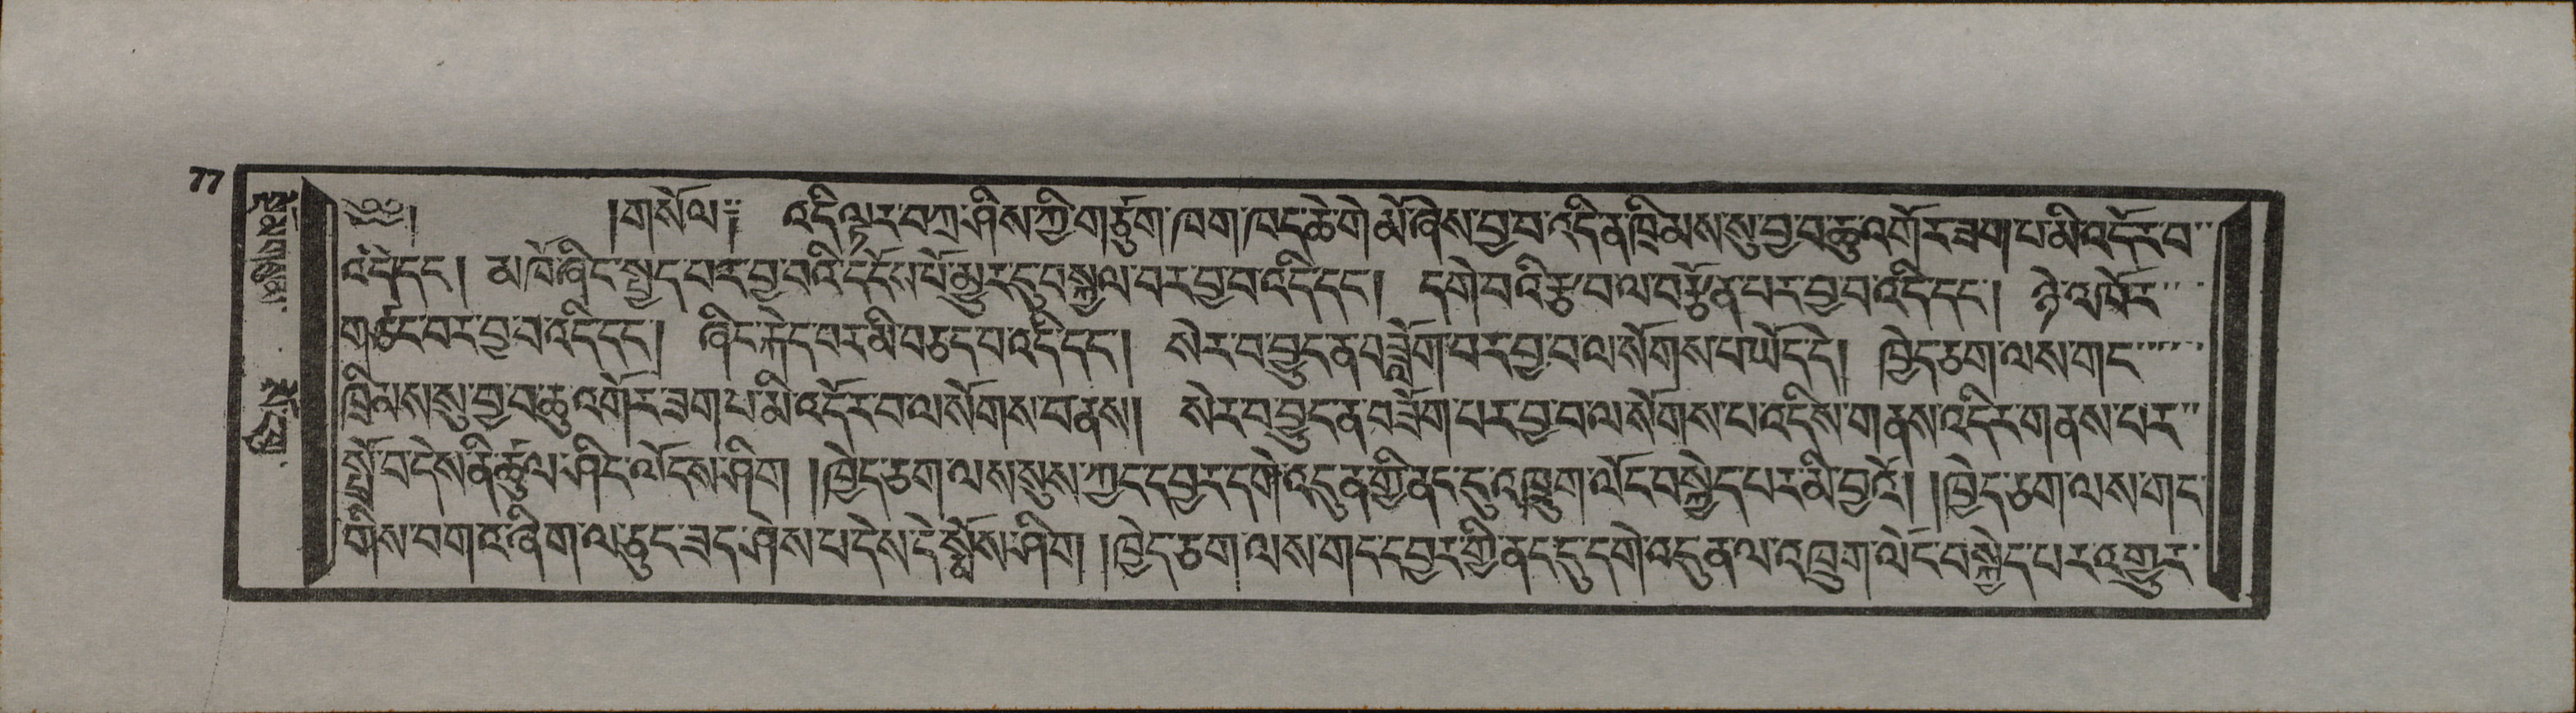༄༅། །གསོལ༑ འདི་ལྟར་བཀྲ་ཤིས་ཀྱི་གཙུག་ཁག་ཁད་ཆེ་གེ་མོ་ཞེས་བྱ་བ་འདི་ན་ཁྲིམས་སུ་བྱ་བ་ཆུ་འགོར་ཟག་པ་མི་འདོར་བ་
འདི་དང་། མཁོ་ཞིང་སྤྱད་པར་བྱ་བའི་དངོས་པོ་མྱུར་དུ་བསྐྱལ་བར་བྱ་བ་འདི་དང་། དགེ་བའི་རྩ་བ་ལ་བརྩོན་པར་བྱ་བ་འདི་དང་། ཉེ་འཁོར་
གཙང་བར་བྱ་བ་འདི་དང་། ཞིང་རྐེད་བར་མི་བཅད་པ་འདི་དང་། སེར་བ་བྱུང་ན་བཟློག་པར་བྱ་བ་ལ་སོགས་པ་ཡོད་དེ། ཁྱེད་ཅག་ལས་གང་
ཁྲིམས་སུ་བྱ་བ་ཆུ་འགོར་ཟག་པ་མི་འདོར་བ་ལ་སོགས་པ་ནས། སེར་བ་བྱུང་ན་བཟོག་པར་བྱ་བ་ལ་སོགས་པ་འདིས་གནས་འདིར་གནས་པར་
སྤྲོ་བ་དེས་ནི་ཚུལ་ཤིང་ལོངས་ཤིག །ཁྱེད་ཅག་ལས་སུས་ཀྱང་དབྱར་དགེ་འདུན་གྱི་ནང་དུ་འཁྲུག་ལོང་བསྐྱེད་པར་མི་བྱའོ། །ཁྱེད་ཅག་ལས་གང་
གིས་བགའ་ཞིག་ལ་ཅུང་ཟད་ཤེས་པ་དེས་དེ་སྨོས་ཤིག །ཁྱེད་ཅག་ལས་གང་དབྱར་གྱི་ནང་དུ་དགེ་འདུན་ལ་འཁྲུག་ལོང་བསྐྱེད་པར་འགྱུར་